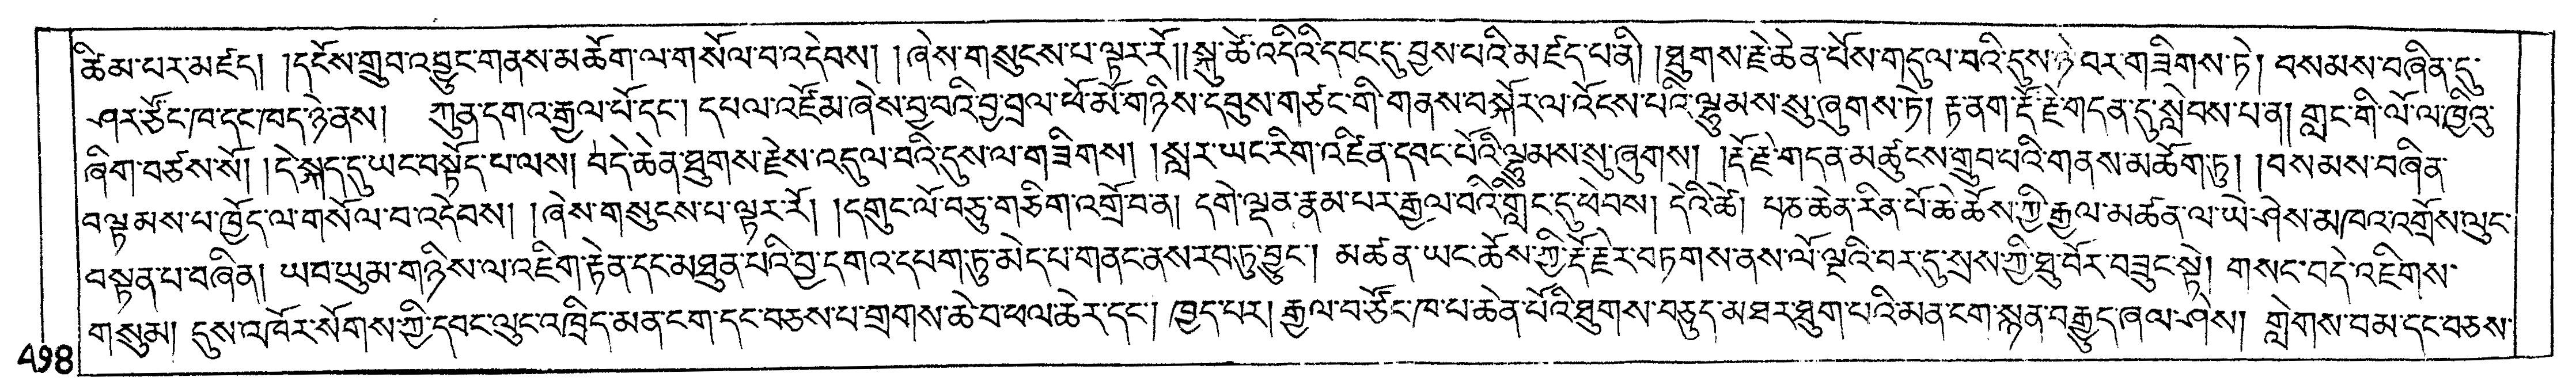ཚིམ་པར་མཛད། །དངོས་གྲུབ་འབྱུང་གནས་མཆོག་ལ་གསོལ་བ་འདེབས། །ཞེས་གསུངས་པ་ལྟར་རོ། །སྐུ་ཚེ་འདིའི་དབང་དུ་བྱས་པའི་མཛད་པ་ནི། །ཐུགས་རྗེ་ཆེན་པོས་གདུལ་བའི་དུས་ཉེ་བར་གཟིགས་ཏེ། བསམས་བཞིན་དུ་
ཤར་ཙོང་ཁ་དང་ཁད་ཉེ་ནས། ཀུན་དགའ་རྒྱལ་པོ་དང་། དཔལ་འཛོམ་ཞེས་བྱ་བའི་བྱ་བྲལ་ཕོ་མོ་གཉིས་དབུས་གཙང་གི་གནས་བསྐོར་ལ་འོངས་པའི་ལྷུམས་སུ་ཞུགས་ཏེ། རྟ་ནག་རྡོ་རྗེ་གདན་དུ་སླེབས་པ་ན། གླང་གི་ལོ་ལ་ཁྱིའུ་
ཞིག་བཙས་སོ། །དེ་སྐད་དུ་ཡང་བསྟོད་པ་ལས། བདེ་ཆེན་ཐུགས་རྗེས་འདུལ་བའི་དུས་ལ་གཟིགས། །སླར་ཡང་རིག་འཛིན་དབང་པོའི་ལྷུམས་སུ་ཞུགས། །རྡོ་རྗེ་གདན་མཚུངས་གྲུབ་པའི་གནས་མཆོག་ཏུ། །བསམས་བཞིན་
བལྟམས་པ་ཁྱོད་ལ་གསོལ་བ་འདེབས། །ཞེས་གསུངས་པ་ལྟར་རོ། །དགུང་ལོ་བཅུ་གཅིག་འགྲོ་བ་ན། དགེ་ལྡན་རྣམ་པར་རྒྱལ་བའི་གླིང་དུ་ཕེབས། དེའི་ཚེ། པཎ་ཆེན་རིན་པོ་ཆེ་ཆོས་ཀྱི་རྒྱལ་མཚན་ལ་ཡེ་ཤེས་མཁའ་འགྲོས་ལུང་
བསྟན་པ་བཞིན། ཡབ་ཡུམ་གཉིས་ལ་འཇིག་རྟེན་དང་མཐུན་པའི་བྱ་དགའ་དཔག་ཏུ་མེད་པ་གནང་ནས་རབ་ཏུ་བྱུང་། མཚན་ཡང་ཆོས་ཀྱི་རྡོ་རྗེར་བཏགས་ནས་ལོ་ལྔའི་བར་དུ་སྲས་ཀྱི་ཐུ་བོར་བཟུང་སྟེ། གསང་བདེ་འཇིགས་
གསུམ། དུས་འཁོར་སོགས་ཀྱི་དབང་ལུང་འཁྲིད་མན་ངག་དང་བཅས་པ་གྲགས་ཆེ་བ་ཕལ་ཆེར་དང་། ཁྱད་པར། རྒྱལ་བ་ཙོང་ཁ་པ་ཆེན་པོའི་ཐུགས་བཅུད་མཐར་ཐུག་པའི་མན་ངག་སྙན་བརྒྱུད་ཞལ་ཤེས། གླེགས་བམ་དང་བཅས་